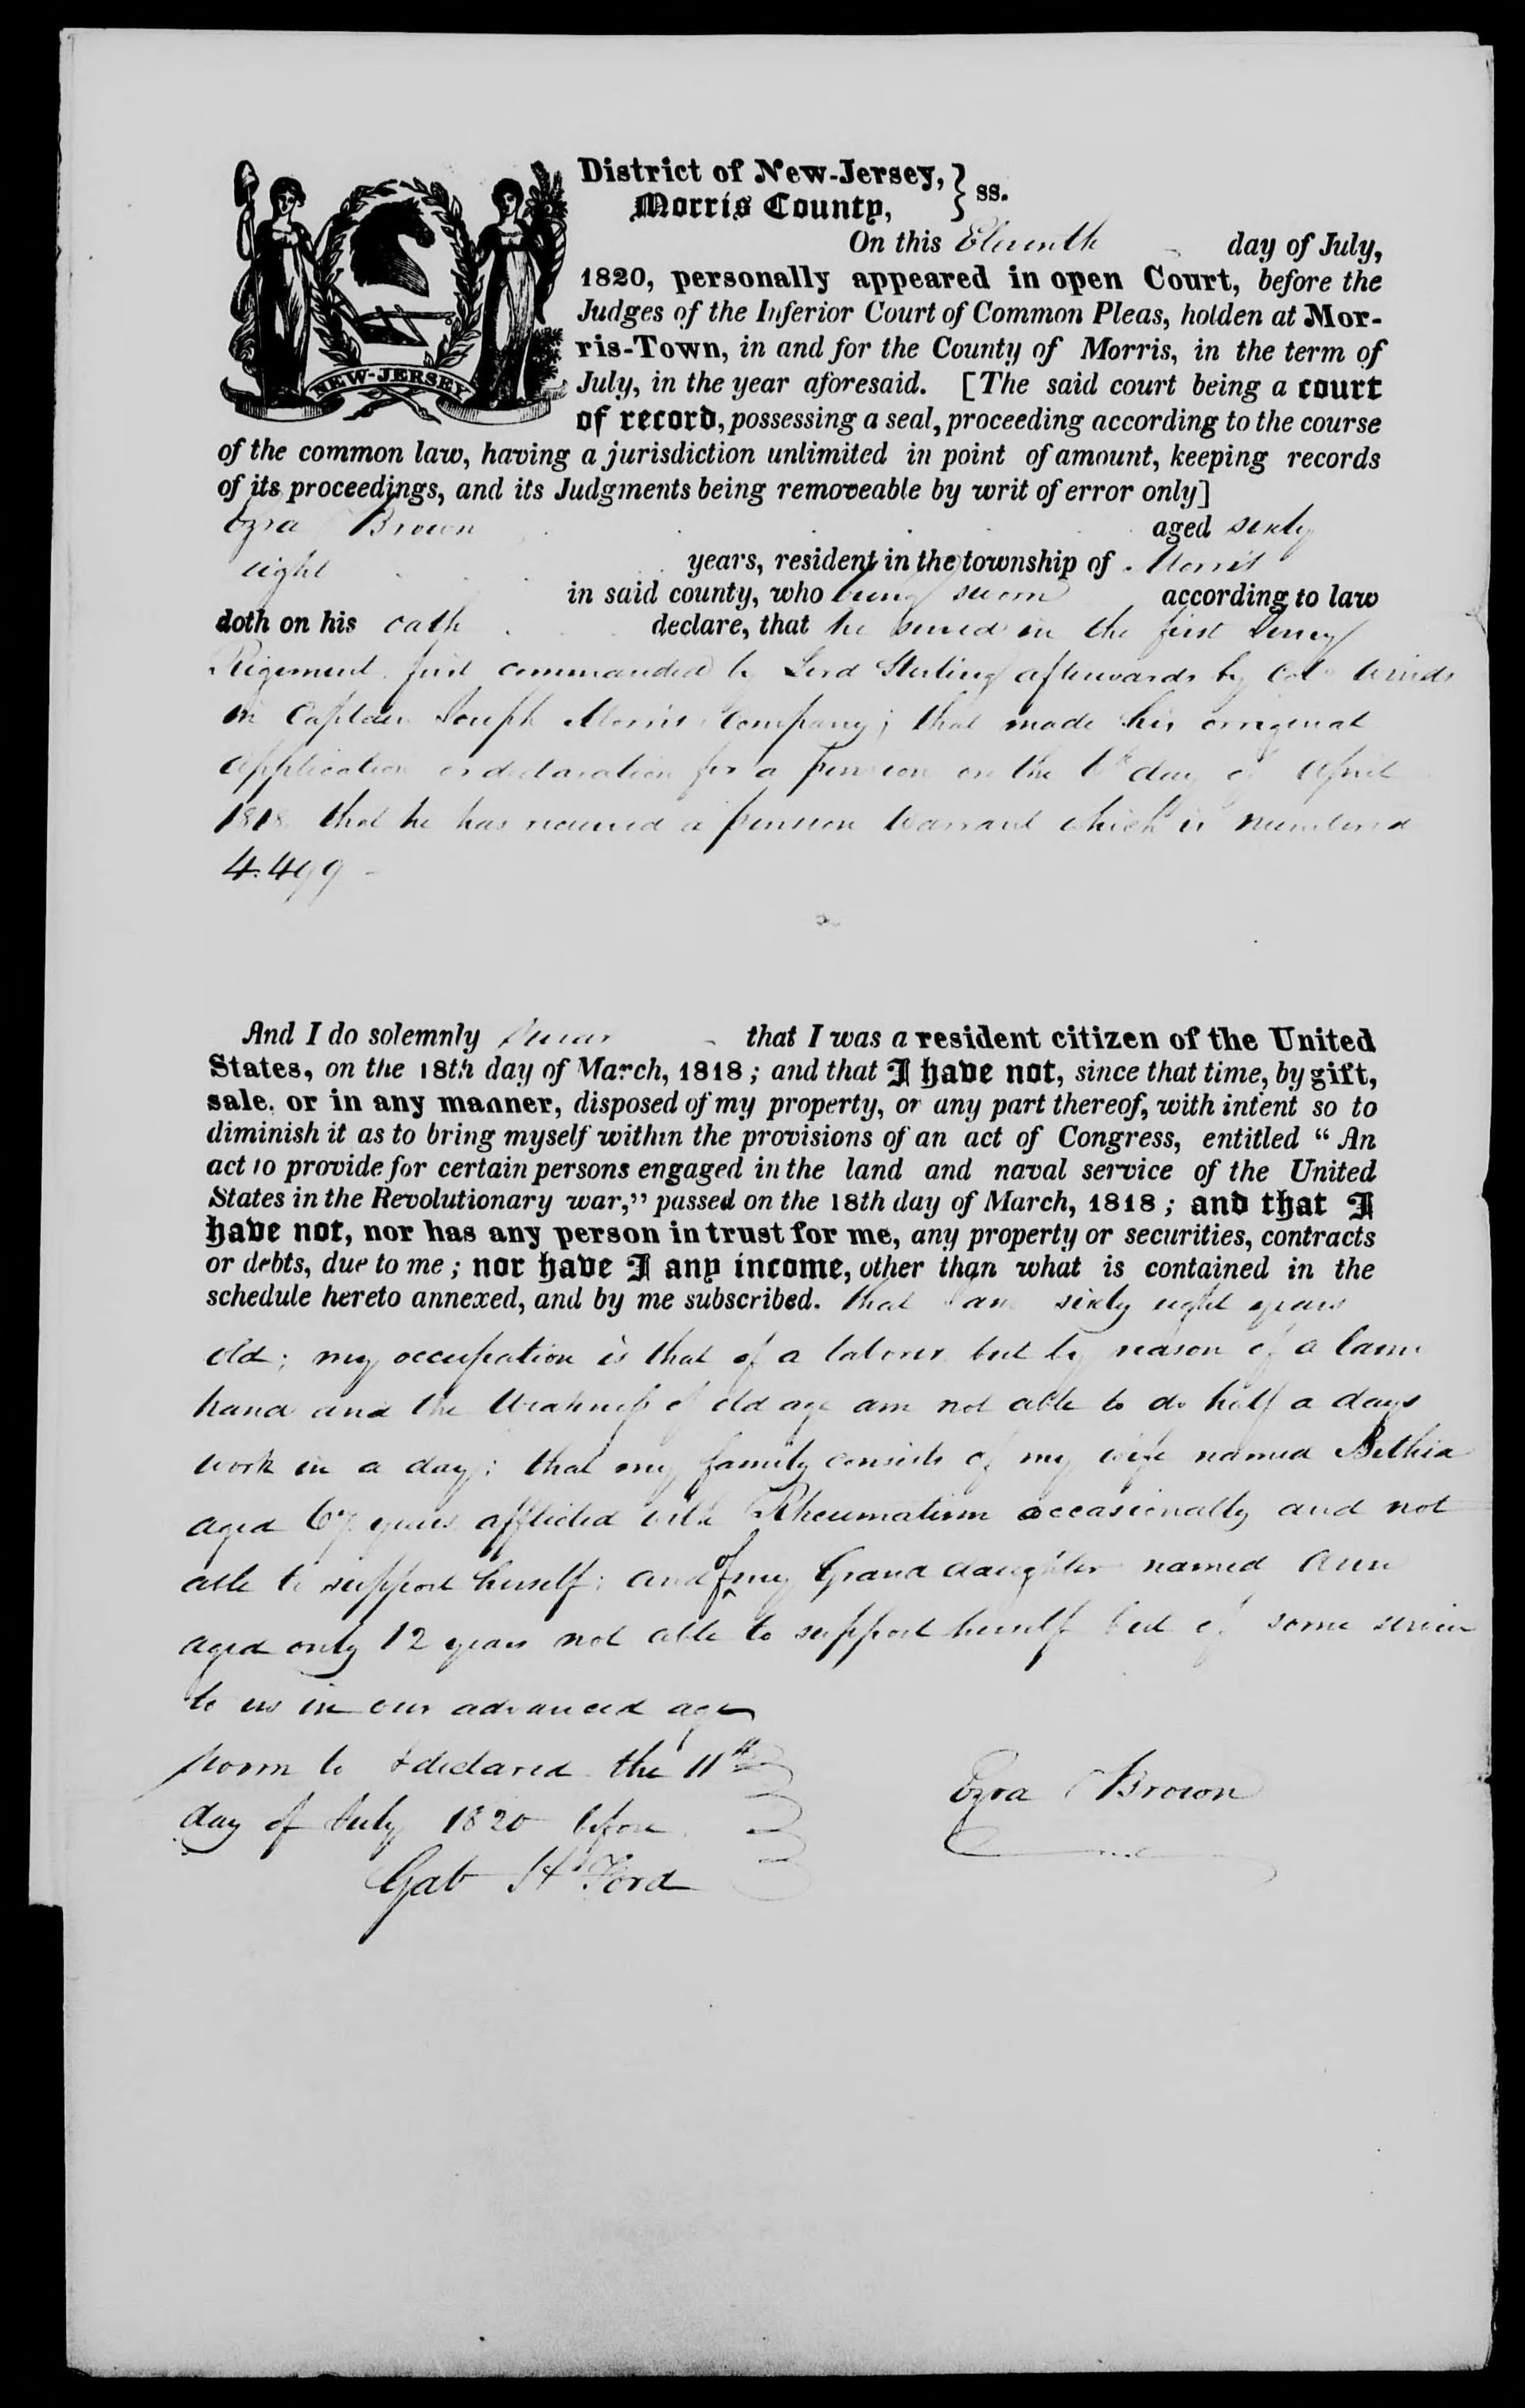[emblem of State of New Jersey on left]
District of New Jersey,
Morris County, } SS.
On this Eleventh day of July, 1820, personally appeared in open Court, before the Judges of the Inferior Court of Common Pleas, holden at Morris-Town, in and for the County of Morris, in the term of July, in the year aforesaid. [The said court being a court of record, possessing a seal, proceeding according to the course of the common law, having a jurisdiction unlimited in point of amount, keeping records of its proceedings, and its Judgments being removeable by writ of error only]

Ezra Brown aged sixty eight years, resident in the township of Morris in said county, who being sworn according to law doth on his oath
declare, that he served in thte first Jersey Regiment first commanded by Lord Sterling afterwards by Col Winds in Captain Joseph Morris Company; that made his original application and declaration for a pension on the 6th day of April 1818, that he has received a pension warrant which is numbered
4.499-

And I do solemnly was that I was a resident citizen of the United States, on the 18th day of March, 1818; and that I have not, since that time, by gift, sale, or in any manner, disposed of my property, or any part thereof, with intent so to diminish it as to bring myself within the provisions of an act of Congress, entitled " An
act to provide for certain persons engaged in the land and naval service of the United States
in the Revolutionary war," passed on the 18th day of March, 1818; and that I have not, nor has any person in trust for me, any property or securities, contracts or debts, due to me; nor have I any income, other than what is contained in the schedule hereto annexed, and by me subscribed.  That I am sixty eight years
old; my occupation is that of a laborer but by reason of a lame hand and the weakness of old age am not able to do half a days work in a day; that my family consists of my wife named Bethia
aged 67 years afflicted with Rheumatism occasionally and not able to support herself: and of my grand daughter named Ann aged only 12 years not able to support herself but of some service to us in our advanced age-

Ezra Brown

Sworn to & declared the 11th
day of July 1820 before
Gab H Ford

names: Ezra Brown, Bethia, Gab H Ford, Ann, Ezra Brown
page: 8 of 27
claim: survivor's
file: S. 34,094, Ezra Brown, New Jersey